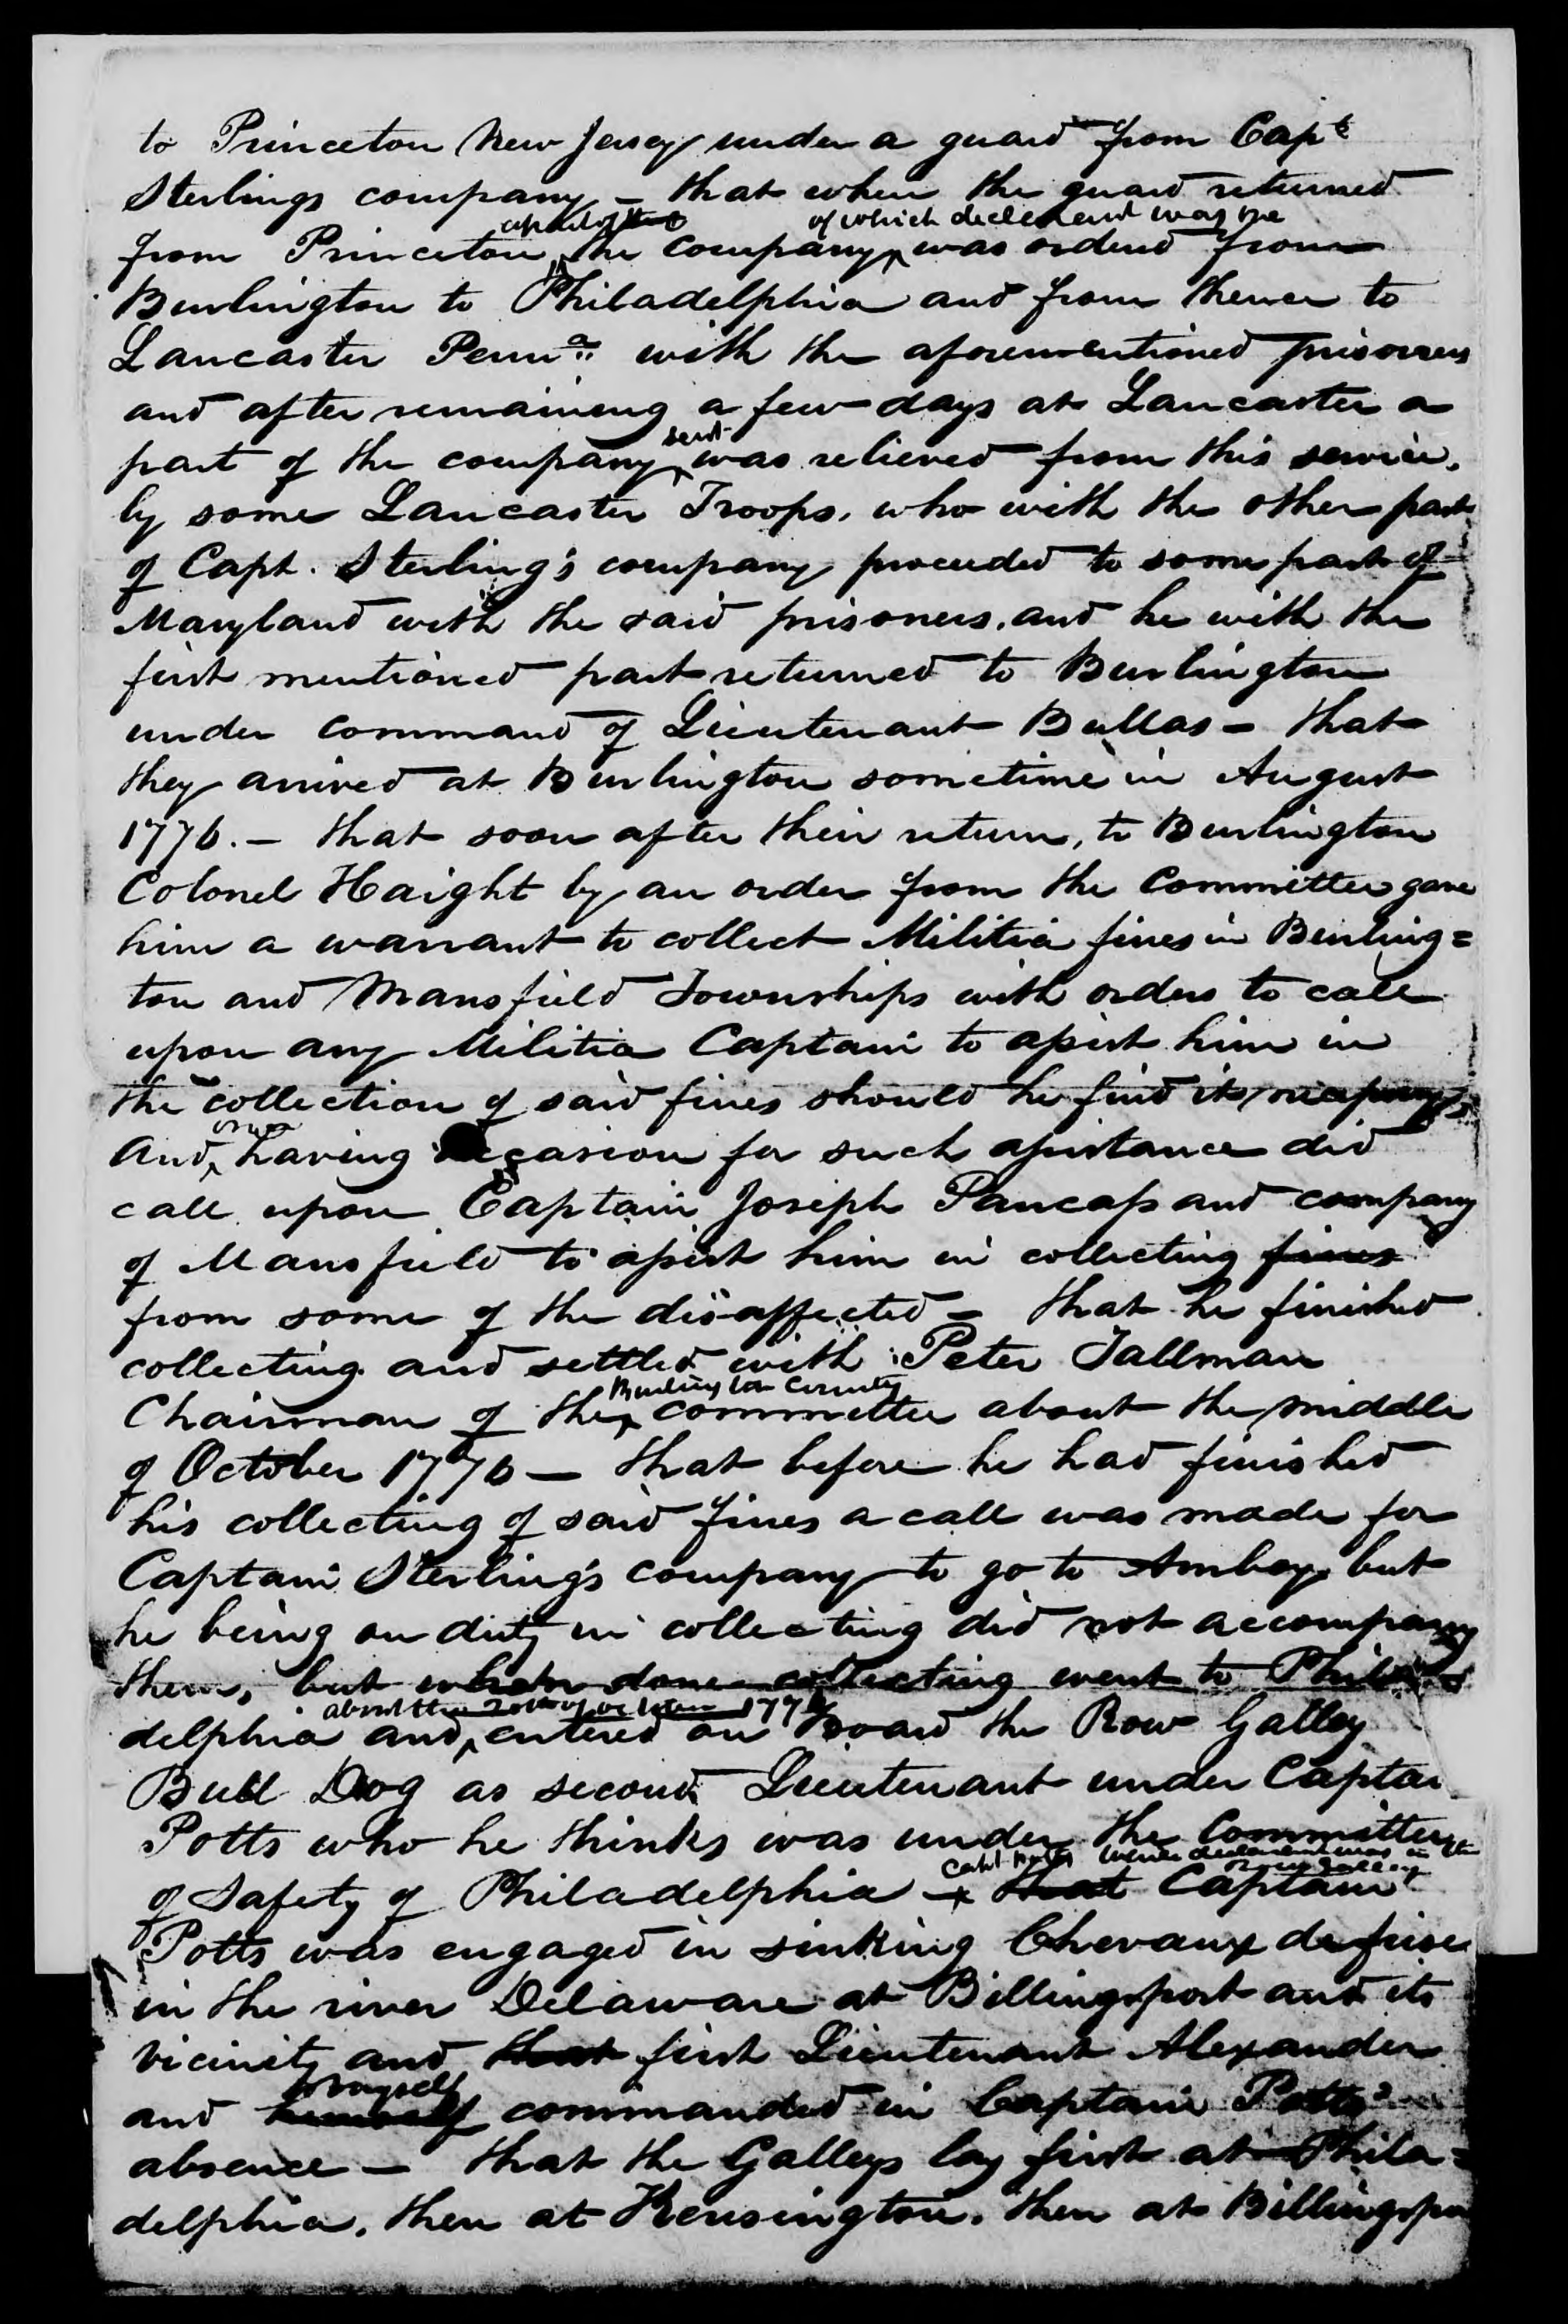to Princeton New Jersey under a guard from Capt. Sterlings company_ that when the guard returned from Princeton a part of the company of which declarant was one was ordered from Burlington to Philadelphia and from there to  Lancaster Penna.. with the aforementioned prisoners and after remaining a few days at Lancaster a part of the company sent was relieved from this service by some Lancaster Troops, who with the other part of Capt. Sterling's company proceeded to some part of Maryland with the said prisoners, and he with the first mentioned part returned to Burlington under command of Lieutenant Ballas_ that they arrived in Burlington sometime in August 1776.- that soon after their return to Burlington Colonel Haight by an order from the Committee gave him a warrant to collect Militia fines in Burlington and Mansfield Townships with orders to call upon any Militia Captain to assist him in the collection of said fines should he find it necessary, and on having occasion for such assistance did call upon Captain Joseph Pancass and company of Mansfield to assist him in collecting fines from some of the disaffected_ that he finished collecting and settled with Peter Tallman Chairman of the Burlington County committee about the middle of October 1776 _ that before he had finished his collecting of said fines a call was made for Captain Sterling's company to go to Amboy but he being on duty in collecting did not accompany them, but when done collecting went to Philadelphia and about the 20th of October 1776 entered on Board the Row Galley Bull Dog as second Lieutenant under Captain Potts who he thinks was under the Committee of Safety of Philadelphia_ Capt [Potts never declarant was on Row Galley?] Captain Potts was engaged in sinking Chevaux [de frise?] in the river Delaware at Billingsport and its vicinity and first Lieutenant Alexander and myself commanded in Captain Potts' absence_ that the Galleys lay first at Philadelphia, then at Kensington, then at Billingsport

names: Peter Tallman; [BLANK] Russell; [BLANK] Alexander; [BLANK] Potts; [BLANK] Haight; [BLANK] Bullas; Joseph Pancass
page: 7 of 39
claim: rejected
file: R. 6154, for James Laning, New Jersey